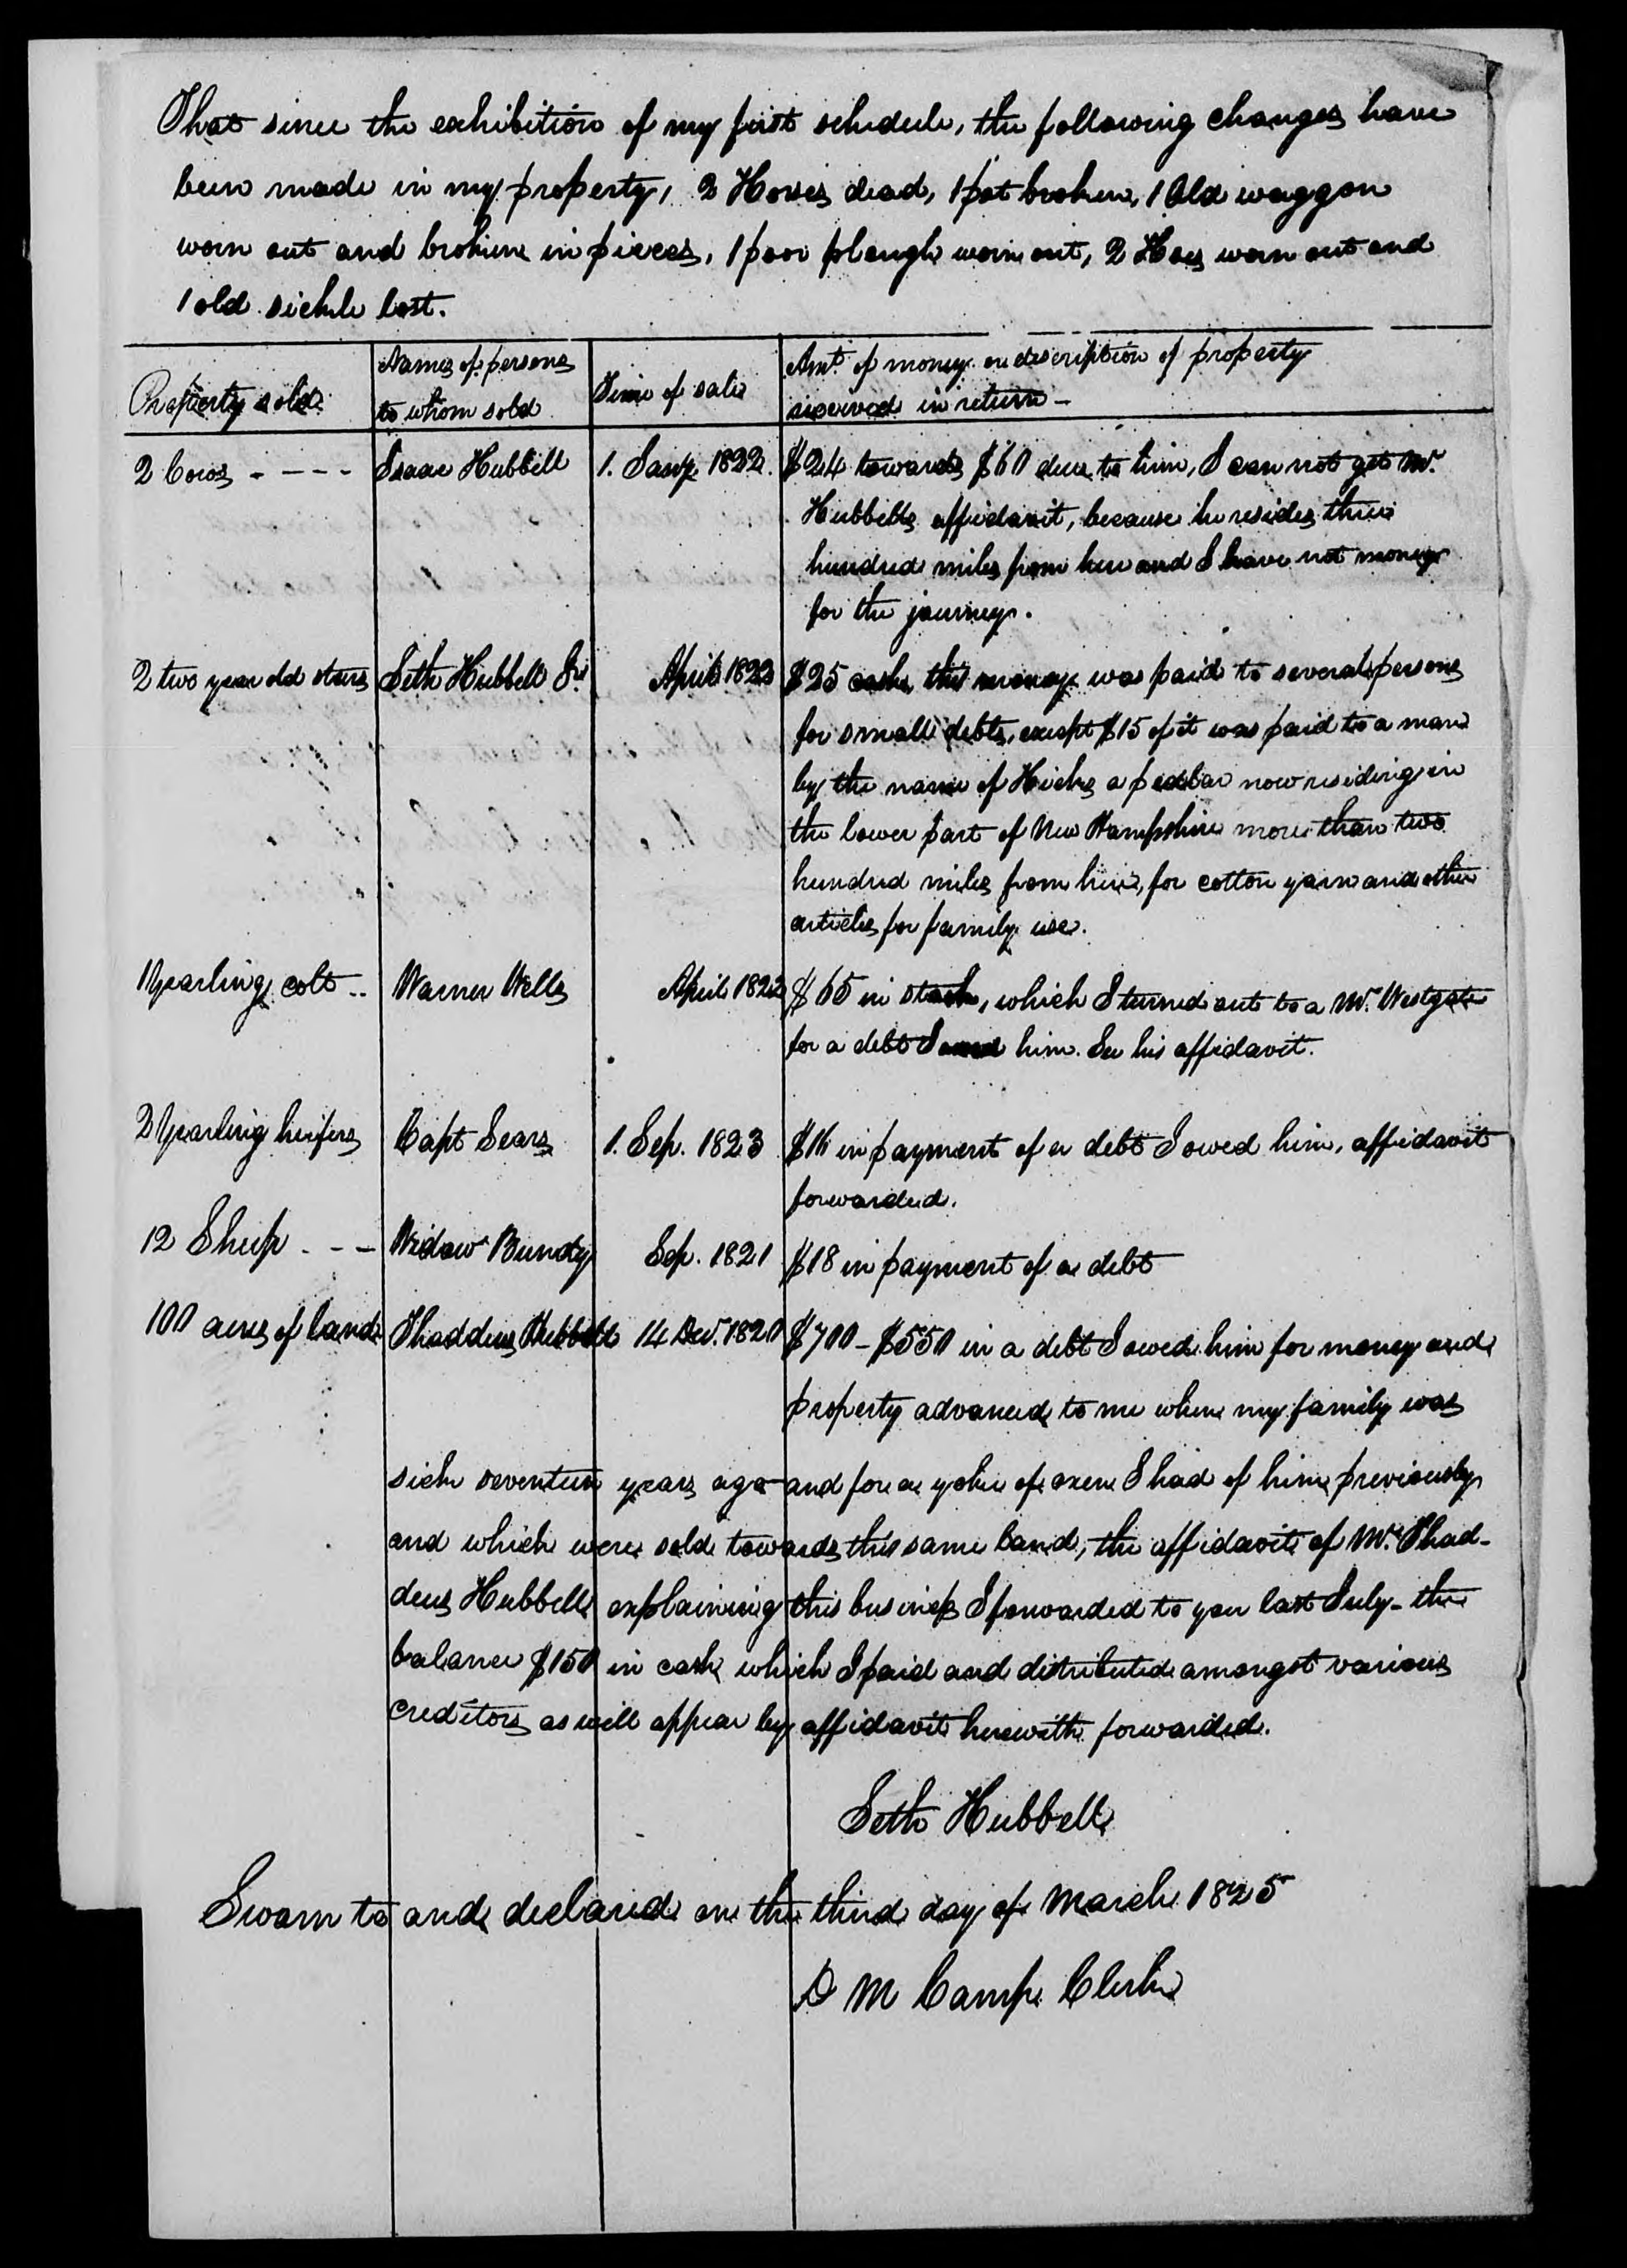That since the exhibition of my first schedule, the following changes have been made in my property, 2 Horses died, 1 pot broken, 1 old waggon worn out and broken in pieces, 1 poor plough worn out, 2 [illegible] worn out and 1 old sickle lost.

[The rest of the page is divided into four columns.]

Property sold | Names of persons to whom sold | Time of Sale | Amt. of money or description of property received in return _ 

2 Coros - - - -  | Isaac Hubbell | 1. Jany. 1822 | $24 towards $60 [illegible] to him, I can not get Mr. Hubbells affidavit, because he resides three hundred miles from here and I have not money for the journey.

2 two year old steers | Seth Hubbell Jr. | April 1822 | $25 cash this money was paid to several persons for small debts, except $15 of it was paid to a man by the name of Huels a pedlar now residing in the lower part of New Hampshire more than two hundred miles from here, for cotton yarn and other articles for family use.

1 yearling colt _ _ | Warner Wells | April 1822 | $65 in stock, which I turned out to a  Mr. Westgate for a debt I owed him. See his affidavit.

2 yearling heifers | Capt Sears | 1 Sep 1823 | $16 in payment of a debt I owed him, affidavit forwarded.

12 Sheep _ _ _ | Widow Bundy | Sep. 1821 | $18 in payment of a debt

100 acres of land | Thaddeus Hubbell | 14 Dec. 1820 | $700-$550 in a debt I owed him for money and property advanced to me when my family was sick seventeen years ago and for a [illegible] of anew I had of him previously and which were sold towards this same land, the affidavit of Mr. Thaddeus Hubbell explaining this business I forwarded to you last July - the balance $150 in cash which I paid and distributed amongst various creditors as will appear by affidavit herewith forwarded.

Seth Hubbell
Sworn to and declared on the third day of March 1825
D M Camp Clerk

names: Bundy, Sears, D M Camp, Thaddeus Hubbell, Seth Hubbell, Warner Wells, Isaac Hubbell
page: 14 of 114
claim: widow's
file: W. 2115, Seth Hubbell, Conn.